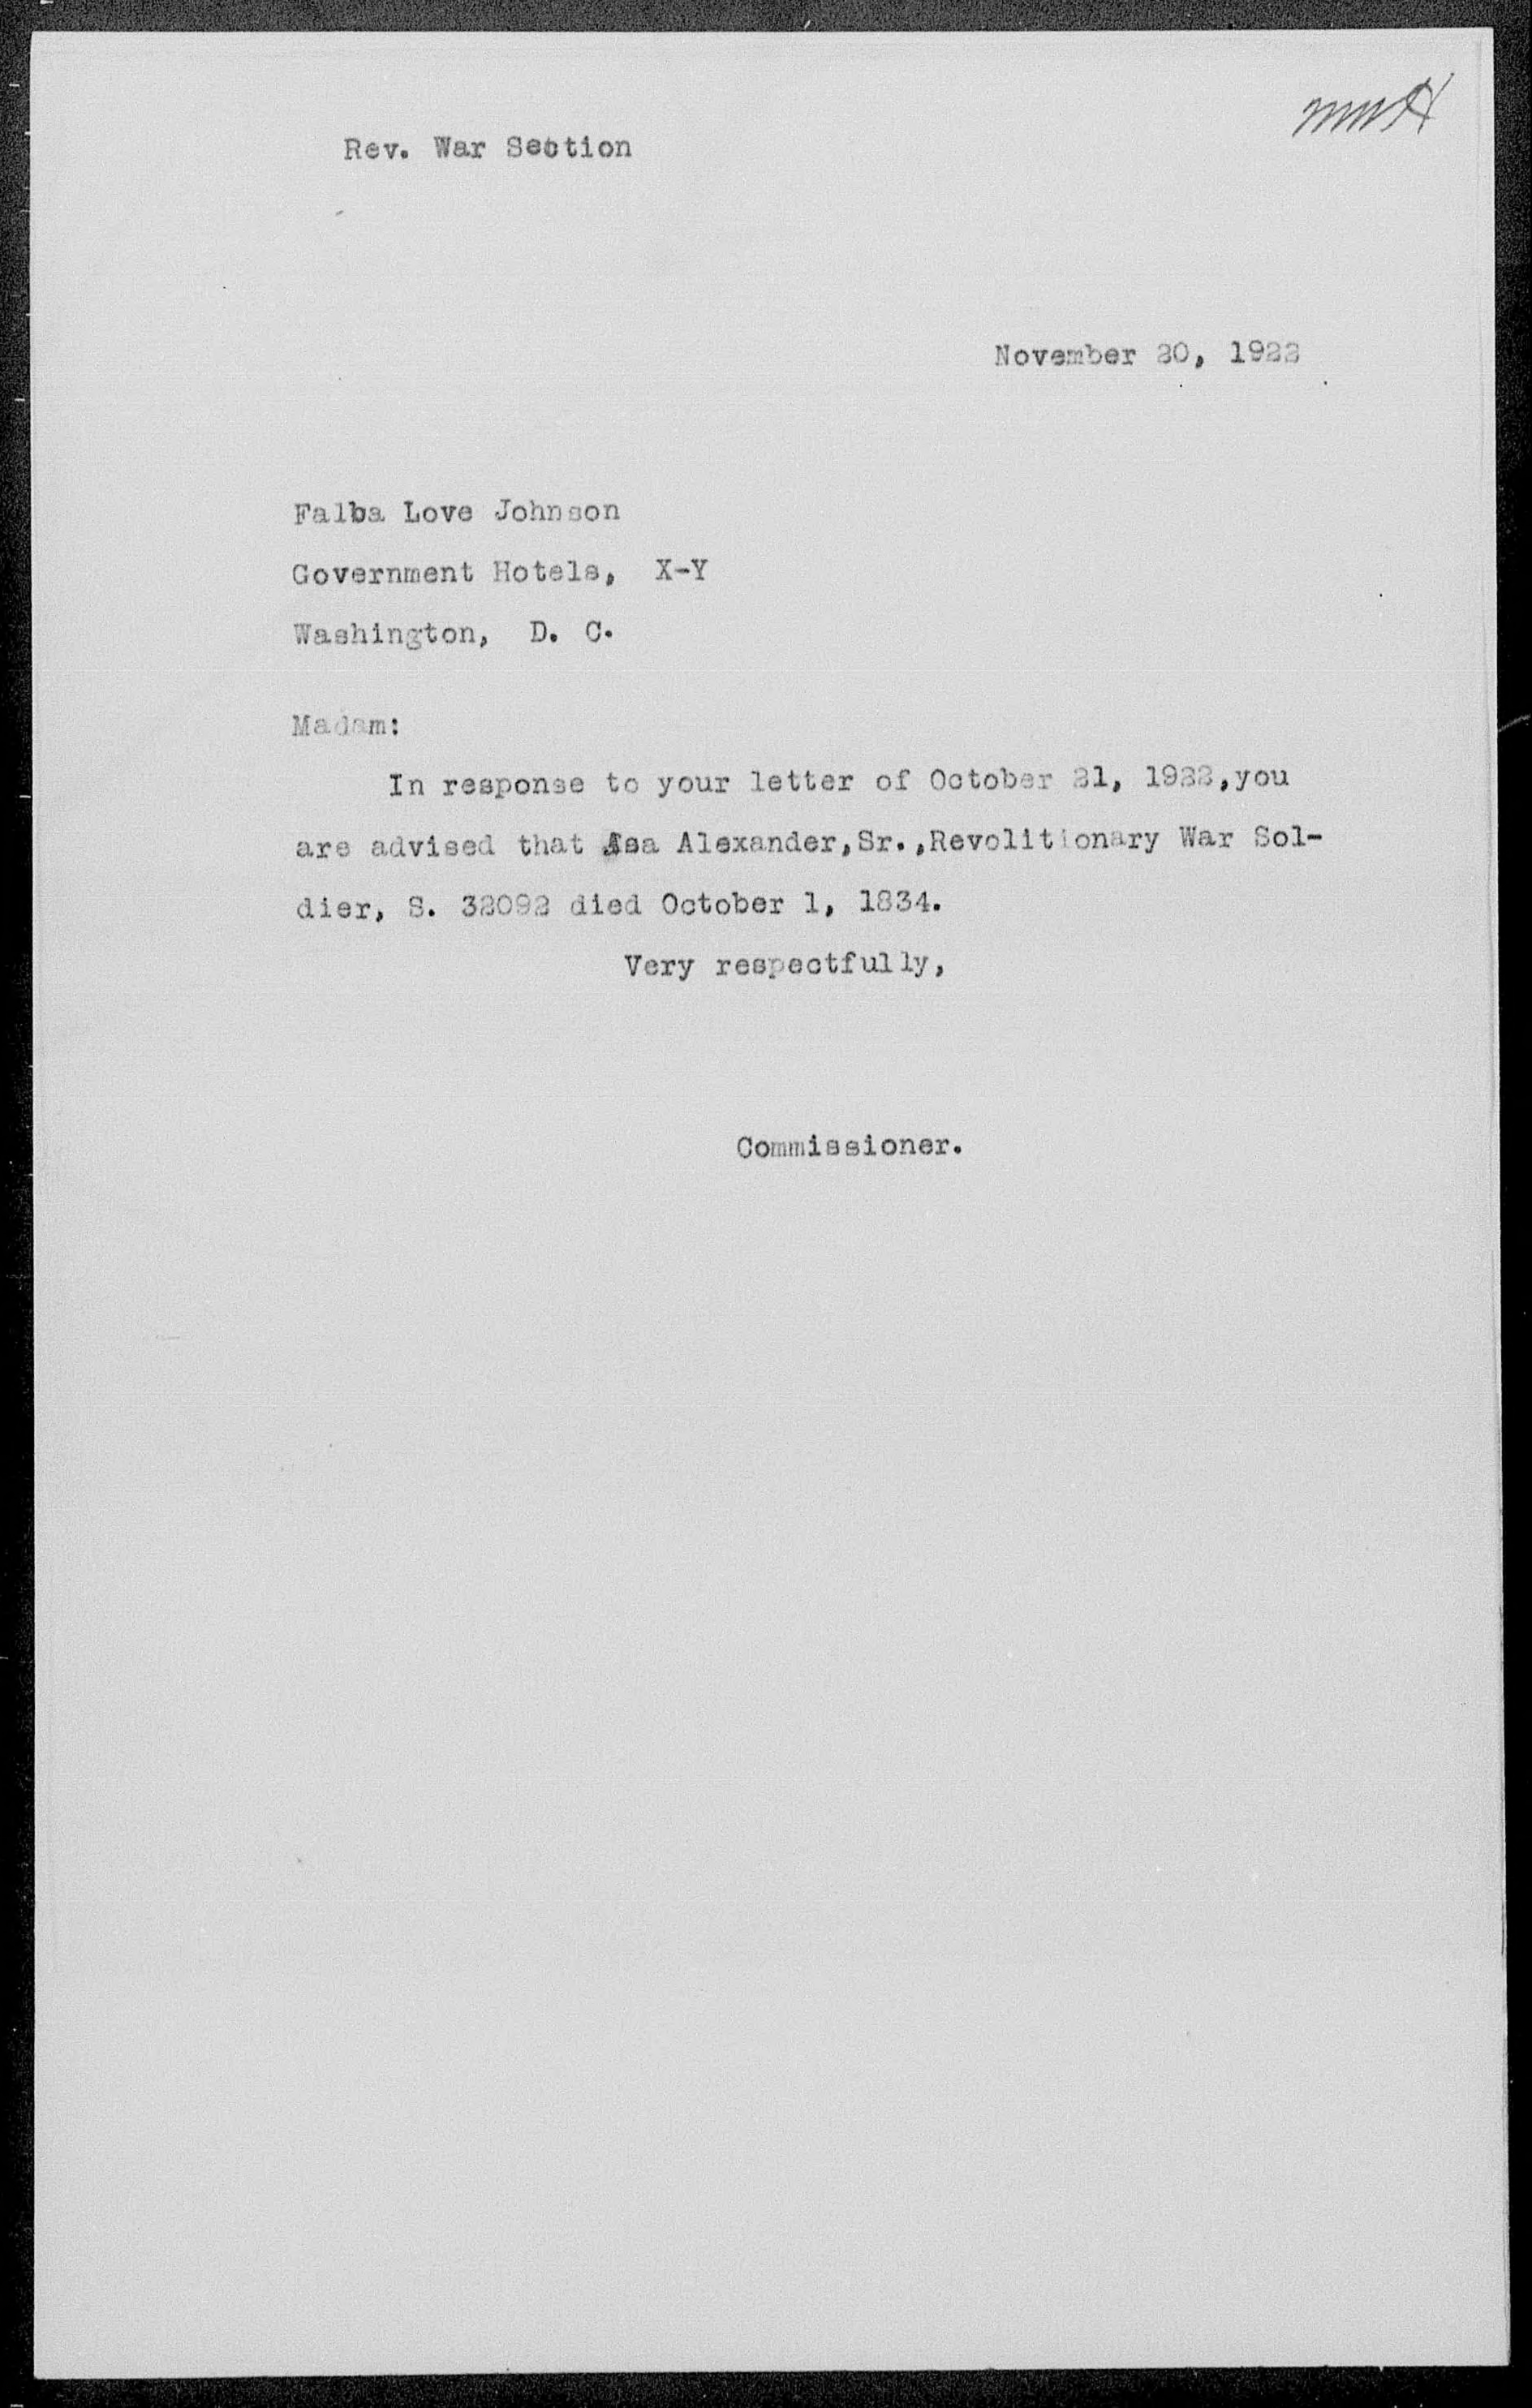Rev. War Section

November 30, 1922

Falba Love Johnson
Government Hotels, X-Y
Washington,  D. C.

Madam:

In response to your letter of October 21, 1922, you are advised that Asa Alexander, Sr., Revolutionary War Soldier,
S. 32092 died October 1, 1834.

Very respectfully,
Commissioner.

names: Falba Love Johnson, Asa Alexander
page: 35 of 35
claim: survivor's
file: S. 32092, Asa Alexander, Ga.